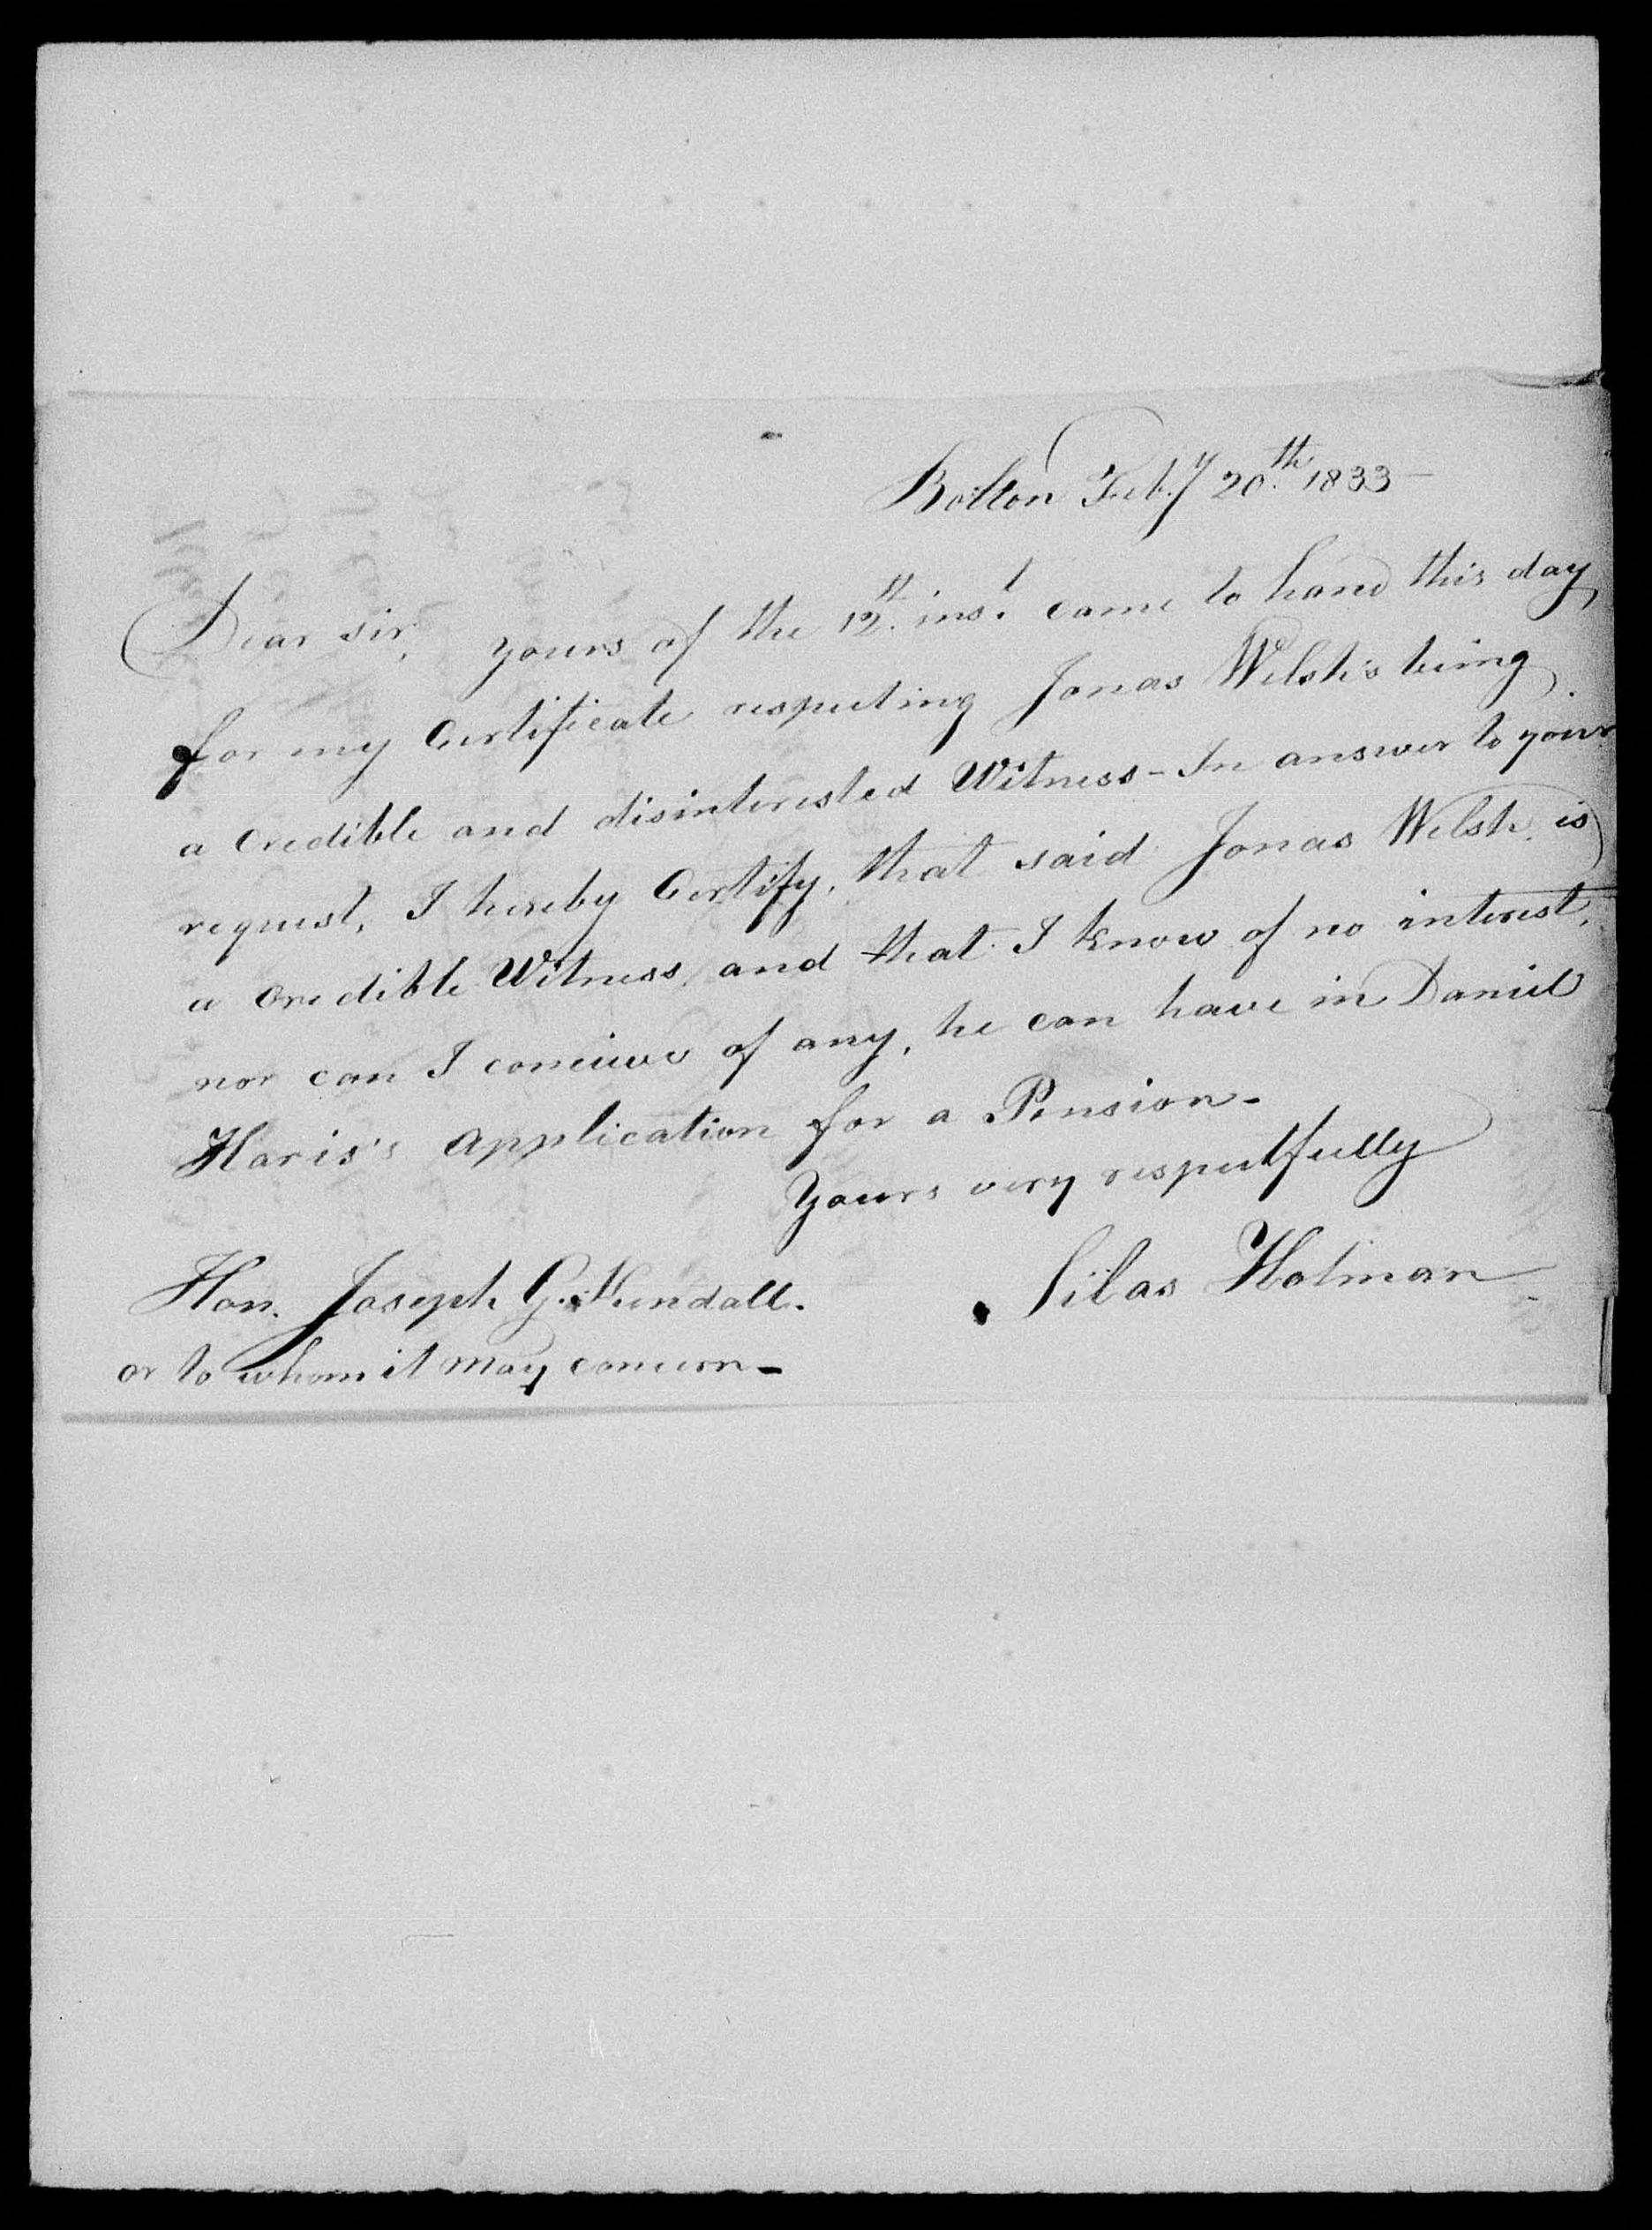Bolton  Feb.  20th 1833

Dear Sir, 
Yours of the 12th inst. came to hand this day for my certificate requesting Jonas Welsh's being a credible and disinterested Witness -- In answer to your request, I hereby Certify that said Jonas Welsh is a credible Witness and that I know of no interested nor can I conceive of any, he can have in Daniel Harris's application for a Pension.

Yours very respectfully

Signature of Silas Holman

Hon. Joseph G. Kendall
or to whom it may concern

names: Jonas Welsh, Jospeh G Kendall, Jonas Welsh, Silas Holman, Daniel Haris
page: 11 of 68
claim: survivor's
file: S. 29,877, Daniel Harris, Mass.